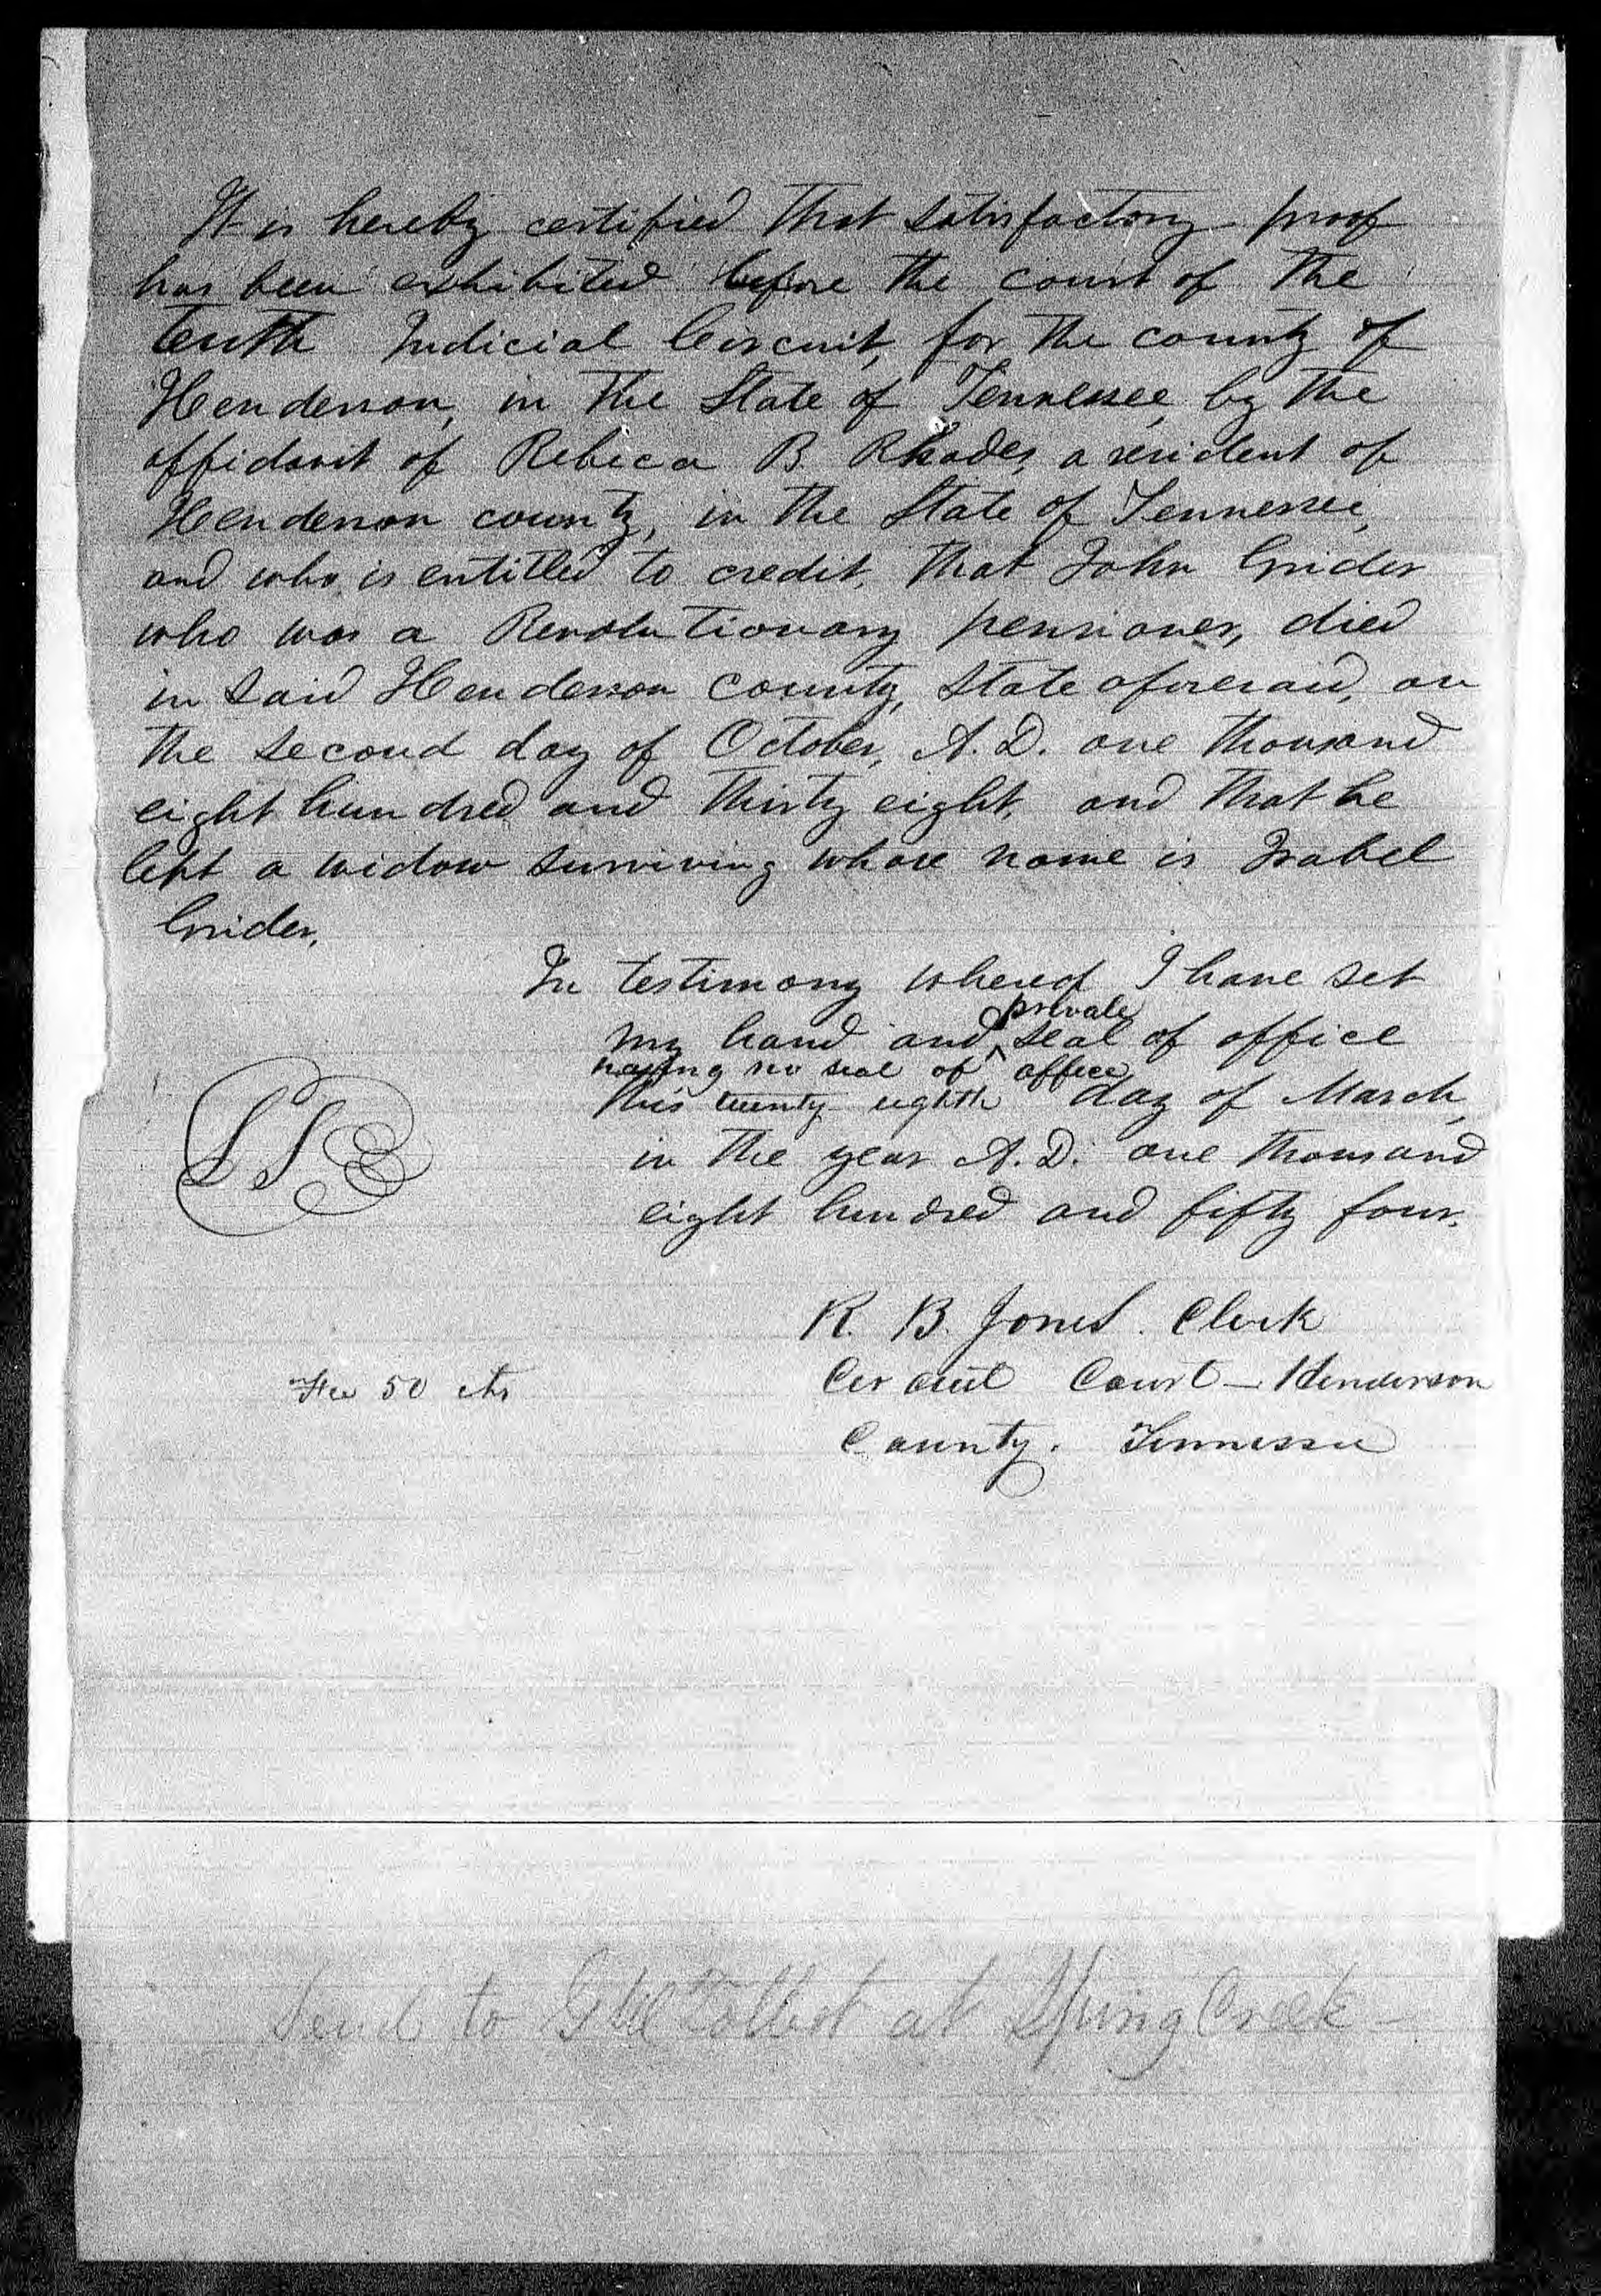It is hereby certified that satisfactory proof has been exhibited before the court of the tenth Judicial Circuit  for the county of Henderson in the State of Tennessee, by the affidavit of Rebeca B. Rhodes, a resident of Henderson county , in the State of Tennessee, and who is entitled to credit, that John Grider who was  a Revolutionary pensioner, died in said Henderson County, state aforesaid, on the second day of October, D.D. one thousand eight hundred and thirty eight, and that he left a widow surviving whose name is Isabel Grider.

 In Testimony whereof  I have set my hand and having no seal of office, private seal  of office this twenty eight day of March, in the year A.D. one thousand eight hundred and fifty four.

R.B. Jones Clerk Circuit court Henderson County Tennessee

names: John Grider, G W Talbot, Isabel Grider, R B Jones, Rebecca B Rhodes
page: 52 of 91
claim: widow's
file: W 358, John Grider, N.C.